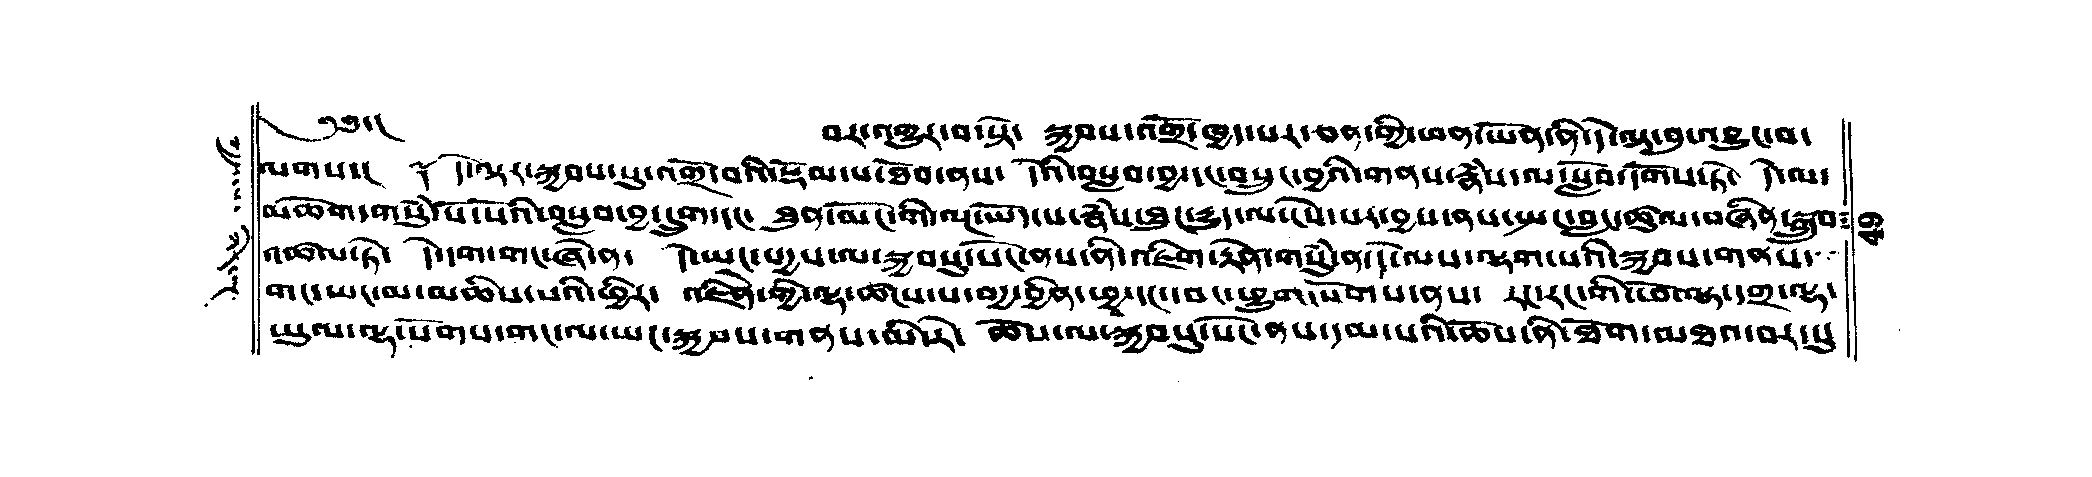བར་འགྱུར་བ་སྟེ། སྐྱབས་འགྲོ་ཁྱད་པར་ཅན་གྱི་ཕན་ཡོན་ནི་དེ་ལྟ་བུ་འབྱུང་བ་
ལགས། ༈ དེ་ལྟར་སྐྱབས་སུ་འགྲོ་བའི་སྡོམ་པ་ཐོབ་ནས། དེའི་བསླབ་བྱ་དང་བསྲུང་བྱའི་གནས་རྣམས་ལ་སློབ་དགོས་ཏེ། དེ་མ་
མཆོག་གསུམ་སོ་སོའི་བསླབ་བྱ་དྲུག་དང་། ཐུན་མོང་གི་ལྔ་ཡོད་པ་རྣམས་ཐུགས་རྒྱུད་ལ་ངེས་པར་བྱས་ནས་སྤང་བླང་ཚུལ་བཞིན་སྒྲུབ་
འཚལ་ཏེ། དེ་དག་གང་ཞེ་ན། དེ་ཡང་སངས་རྒྱས་ལ་སྐྱབས་སུ་སོང་ནས་ནི་འཇིག་རྟེན་གསུམ་ན་དོ་ལས་ལྷག་པའི་སྐྱབས་གནས་
གང་ཡང་མ་མཆོས་པའི་ཕྱིར། འཇིག་རྟེན་གྱི་ལྷ་ཚངས་པ་བརྒྱ་བྱིན་ཕྱཱ་དང་དབང་ཕྱུག་སོགས་ནས། རང་རང་གི་ཕོ་ལྷ་དགྲ་ལྷ་
ཡུལ་ལྷ་སོགས་གང་ལ་ཡང་སྐྱབས་གནས་མི་རེ། ཆོས་ལ་སྐྱབས་སུ་སོང་ནས་དམ་པའི་ཆོས་ནི་ཐོག་མཐའ་བར་སུ་